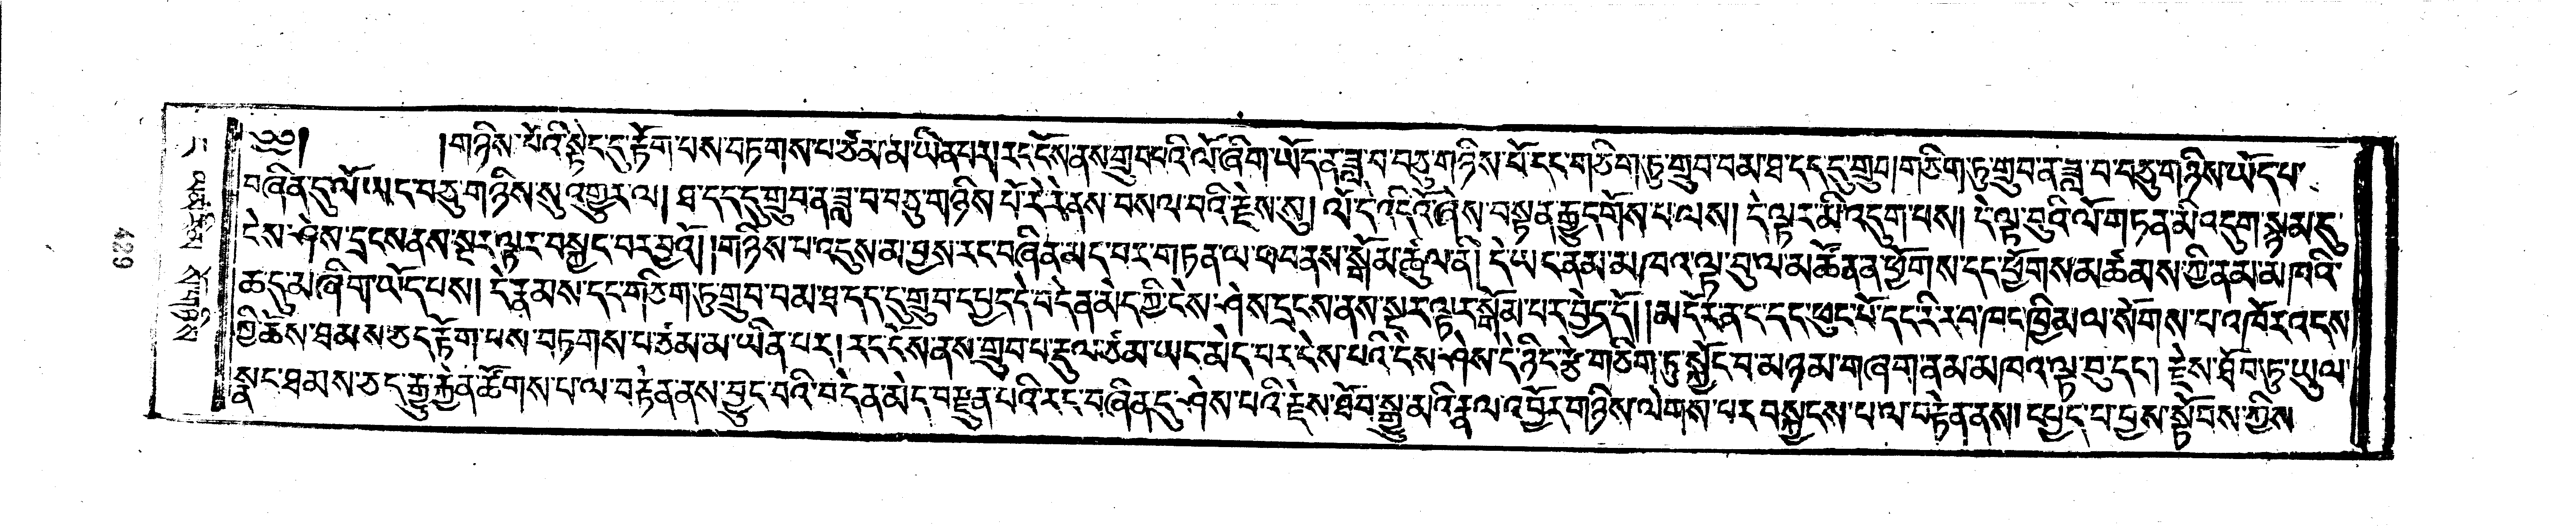༄༅། །གཉིས་པོའི་སྟེང་དུ་རྟོག་པས་བཏགས་པ་ཙམ་མ་ཡིན་པར། རང་ངོས་ནས་གྲུབ་པའི་ལོ་ཞིག་ཡོད་ན་ཟླ་བ་བཅུ་གཉིས་པོ་དང་གཅིག་ཏུ་གྲུབ་བམ་ཐ་དད་དུ་གྲུབ། གཅིག་ཏུ་གྲུབ་ན་ཟླ་བ་བཅུ་གཉིས་ཡོད་པ་
བཞིན་དུ་ལོ་ཡང་བཅུ་གཉིས་སུ་འགྱུར་ལ། ཐ་དད་དུ་གྲུབ་ན་ཟླ་བ་བཅུ་གཉིས་པོ་རེ་རེ་ནས་བསལ་བའི་རྗེས་སུ། ལོ་དེ་འདིའོ་ཞེས་བསྟན་རྒྱུ་དགོས་པ་ལས། དེ་ལྟར་མི་འདུག་པས། དེ་ལྟ་བུའི་ལོ་གཏན་མི་འདུག་སྙམ་དུ་
ངེས་ཤེས་དྲངས་ནས་སྔར་ལྟར་བསྐྱང་བར་བྱའོ། །གཉིས་པ་འདུས་མ་བྱས་རང་བཞིན་མེད་པར་གཏན་ལ་ཕབ་ནས་སྒོམ་ཚུལ་ནི། དེ་ཡང་ནམ་མཁའ་ལྟ་བུ་ལ་མཚོན་ན་ཕྱོགས་དང་ཕྱོགས་མཚམས་ཀྱི་ནམ་མཁའི་
ཆ་དུ་མ་ཞིག་ཡོད་པས། དེ་རྣམས་དང་གཅིག་ཏུ་གྲུབ་བམ་ཐ་དད་དུ་གྲུབ་དཔྱད་དེ་བདེན་མེད་ཀྱི་ངེས་ཤེས་དྲངས་ནས་སྔར་ལྟར་སྒོམ་པར་བྱེད་དོ། །མདོར་ན་ང་དང་ཕུང་པོ་དང་རི་རབ་ཁང་ཁྱིམ་ལ་སོགས་པ་འཁོར་འདས་
ཀྱི་ཆོས་ཐམས་ཅད་རྟོག་པས་བཏགས་པ་ཙམ་མ་ཡིན་པར། རང་ངོས་ནས་གྲུབ་པ་རྡུལ་ཙམ་ཡང་མེད་པར་ངེས་པའི་ངེས་ཤེས་དེ་ཉིད་རྩེ་གཅིག་ཏུ་སྐྱོང་བ་མཉམ་གཞག་ནམ་མཁའ་ལྟ་བུ་དང་། རྗེས་ཐོབ་ཏུ་ཡུལ་
སྣང་ཐམས་ཅད་རྒྱུ་རྐྱེན་ཚོགས་པ་ལ་བརྟེན་ནས་བྱུང་བའི་བདེན་མེད་བརྫུན་པའི་རང་བཞིན་དུ་ཤེས་པའི་རྗེས་ཐོབ་སྒྱུ་མའི་རྣལ་འབྱོར་གཉིས་ལེགས་པར་བསྐྱངས་པ་ལ་བརྟེན་ནས། དཔྱད་པ་བྱས་སྟོབས་ཀྱིས་